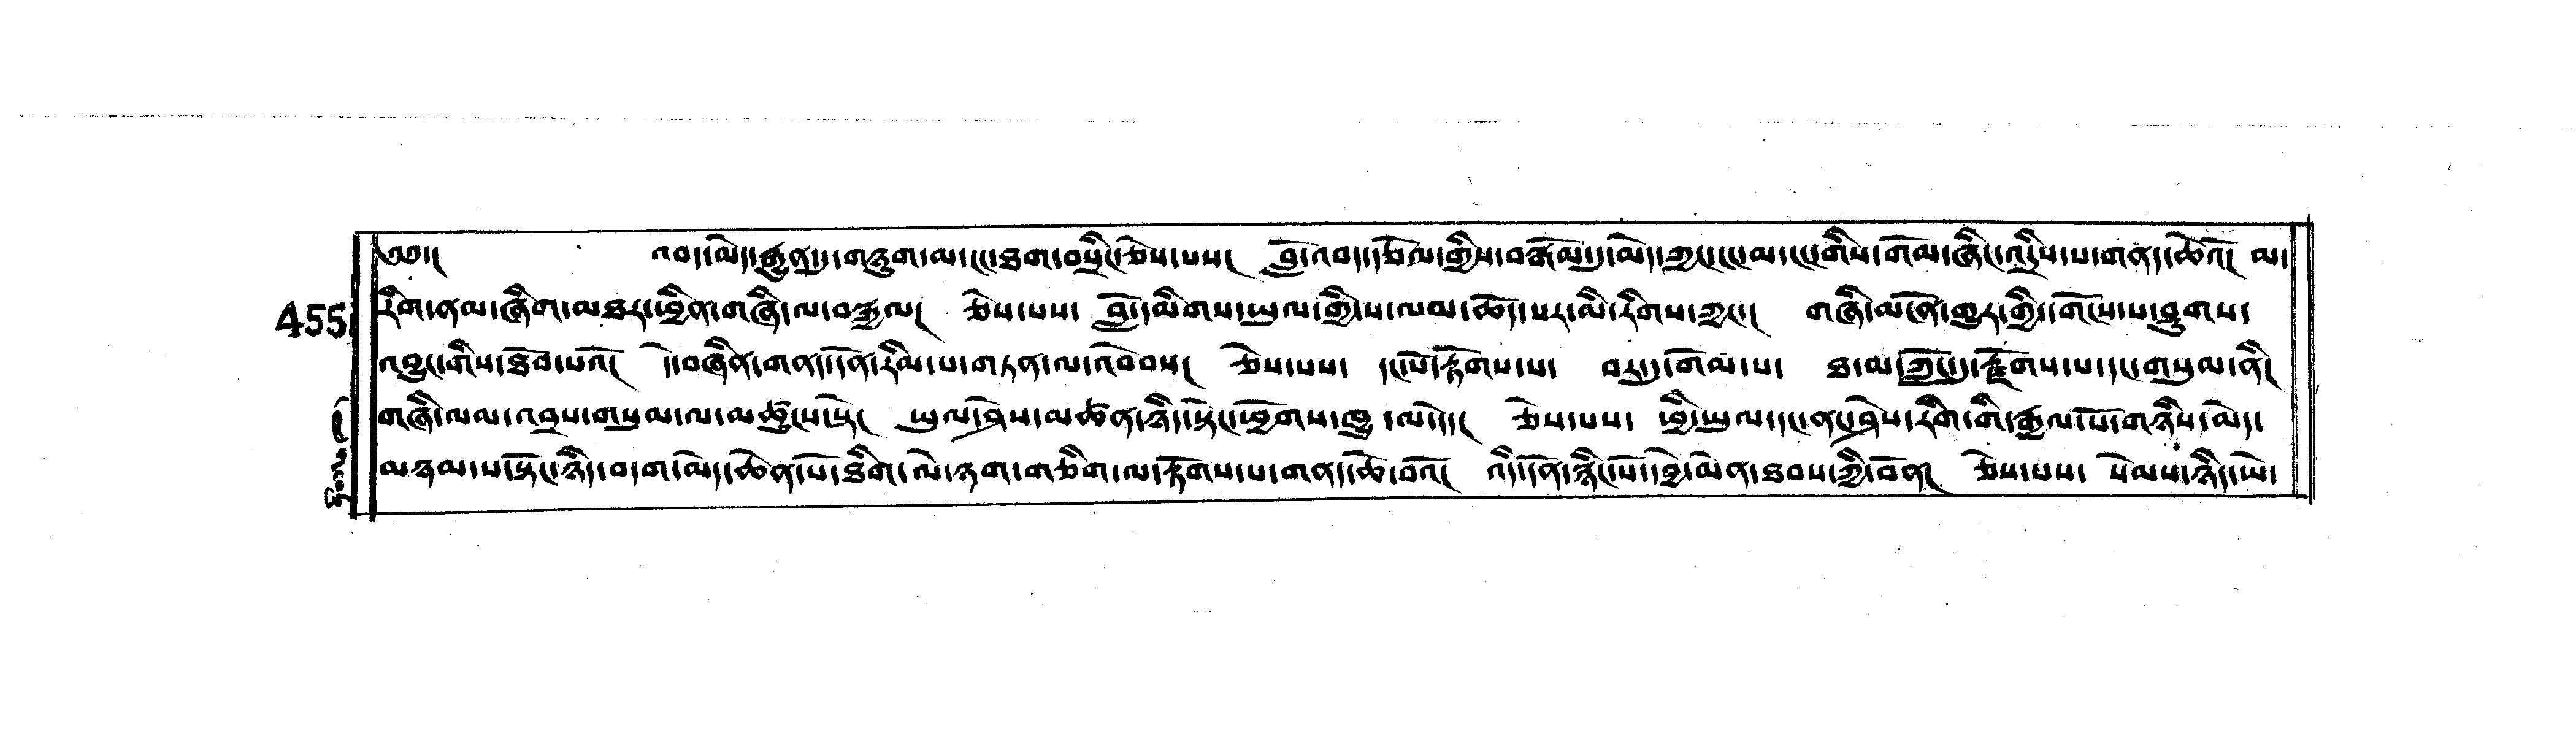འབད་མེད་རྒྱུན་དུ་གཉུག་མ་ངང་ཐག་བསྲིང་། ཅེས་པས། བློ་འབད་རྩོལ་གྱིས་བསྒོམ་དུ་མེད་ཀྱང་ངང་ལ་ངང་གིས་གོམས་ཤིང་འདྲིས་པ་གནད་ཆེའོ། མ་
རིག་ནམ་ཞིག་མཐར་ཕྱིན་གཞི་ལ་བསྐྱལ། ཅེས་པས། བློ་དམིགས་ཡུལ་གྱི་ས་ལམ་ཆོད་པར་མི་རིགས་ཀྱང་། གཞི་མངོན་གྱུར་གྱི་དགོངས་པ་ཤུགས་
འབྱུང་གིས་ཐོབ་པའོ། དེ་བཞིན་གནད་དོན་རིམ་པ་གཏན་ལ་འབེབས། ཅེས་པས། དང་པོ་རྟོགས་པ། བར་དུ་གོམས་པ། ཐ་མ་ཀློང་དུ་རྫོགས་པ་དང་གསུམ་ནི། 
གཞི་ལམ་འབྲས་གསུམ་ལ་མཚུངས་ཏེ། ཡུལ་ཤེས་མཚན་ཉིད་སྟོང་ཕྱོགས་ཁྱུ་ལ་དེད། ཅེས་པས། ཕྱི་ཡུལ་དང་ནང་ཤེས་རིག་གི་རྒྱལ་པོ་གཉིས་མེད་
མཉམ་པ་སྟོང་ཉིད་བདག་མེད་ཆེན་པོ་ཐིག་ལེ་ཉག་གཅིག་ལ་རྟོགས་པ་གནད་ཆེ་བའོ། འདི་དོན་སྙིང་པོ་དབྱེ་མིན་ཐབས་ཀྱི་བོན། ཅེས་པས། སེམས་ཉིད་ཡེ་